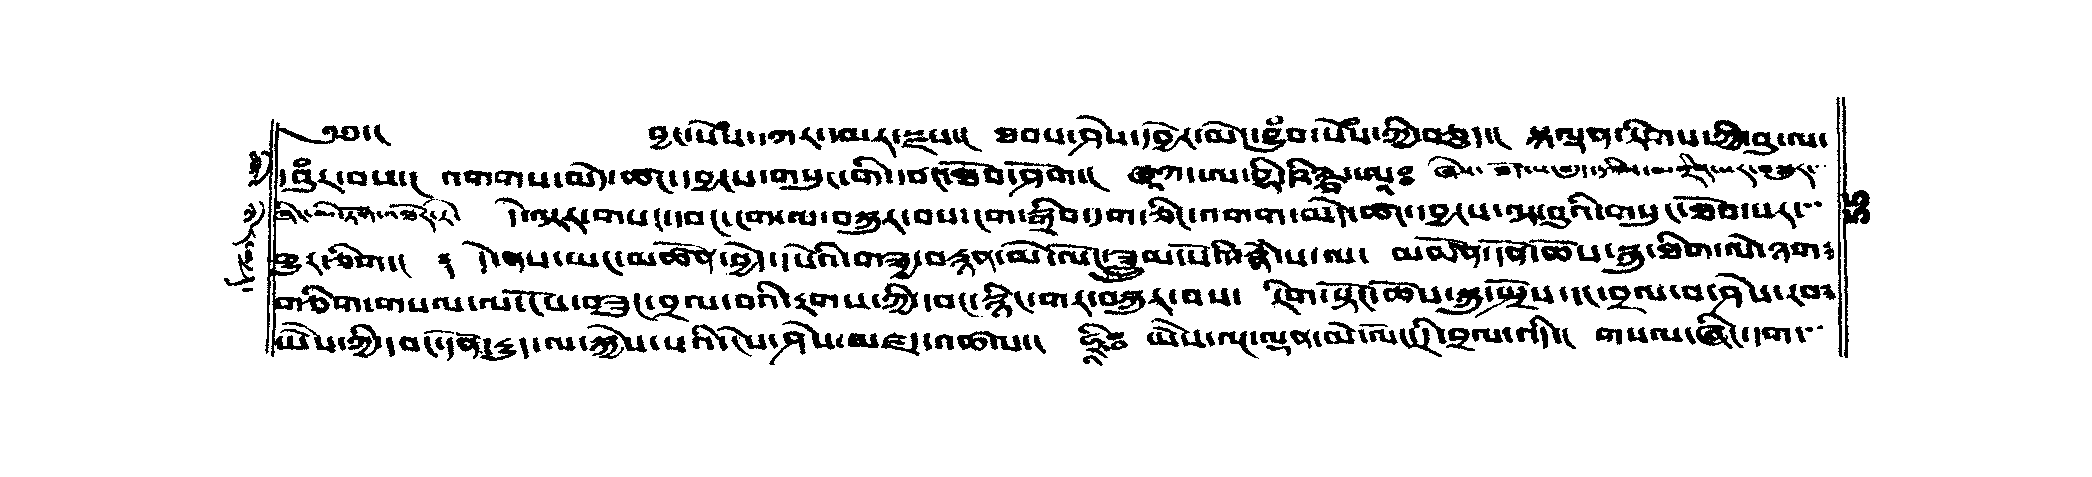བྱང་སེམས་དཀར་དམར་རྫས། ཐབས་ཤེས་དབྱེར་མེད་བྱང་ཆུབ་སེམས་ཀྱི་བཅུད། སྐལ་ལྡན་རིགས་ཀྱི་བུ་ལ་
དབང་བསྐུར་བས། འགགས་མེད་ཚང་དབྱངས་གསུང་གི་དབང་ཐོབ་ཤོག ཝཱཀ་ཨ་བྷི་རིཉྩ་ཨཱཿ ཞེས། ཐོས་པ་བདུད་རྩིས་མགྲིན་པར་བསྐུར་
ཞིང་མེ་ཏོག་འཐོར་ཏེ། དེ་ལྟར་གསང་དབང་ངག་ལ་བསྐུར་བས་ངག་སྒྲིབ་དག་ཅིང་འགག་མེད་ཚང་དབྱངས་ལྟ་བུའི་གསུང་ཐོབ་པར་
གྱུར་ཅིག ༈ དེ་ནས་ཡང་མཚོན་བྱེད་དཔེའི་གཟུགས་བརྙན་མེ་ལོང་ཟླུམ་པོའི་རྣམ་པ་ལ། མཚོན་དོན་ཆོས་སྐུ་ཐིག་ལེ་ཉག་
གཅིག་གསལ་ལ་ངོས་བཟུང་བྲལ་བའི་རྟགས་ཀྱི་དབང་སྙིང་གར་བསྐུར་བས། རིག་སྟོང་ཆོས་སྐུ་སྤྲོས་དང་བྲལ་བ་ཤེས་རབ་
ཡེ་ཤེས་ཀྱི་དབང་དོན་རྒྱུད་ལ་སྐྱེས་པའི་ངེས་ཤེས་མཛད་འཚལ། ཧྲཱིཿ ཡེ་ཤེས་ལྔ་ལྡན་མེ་ལོང་དྲི་བྲལ་འདི། གསལ་ཞིང་དག་